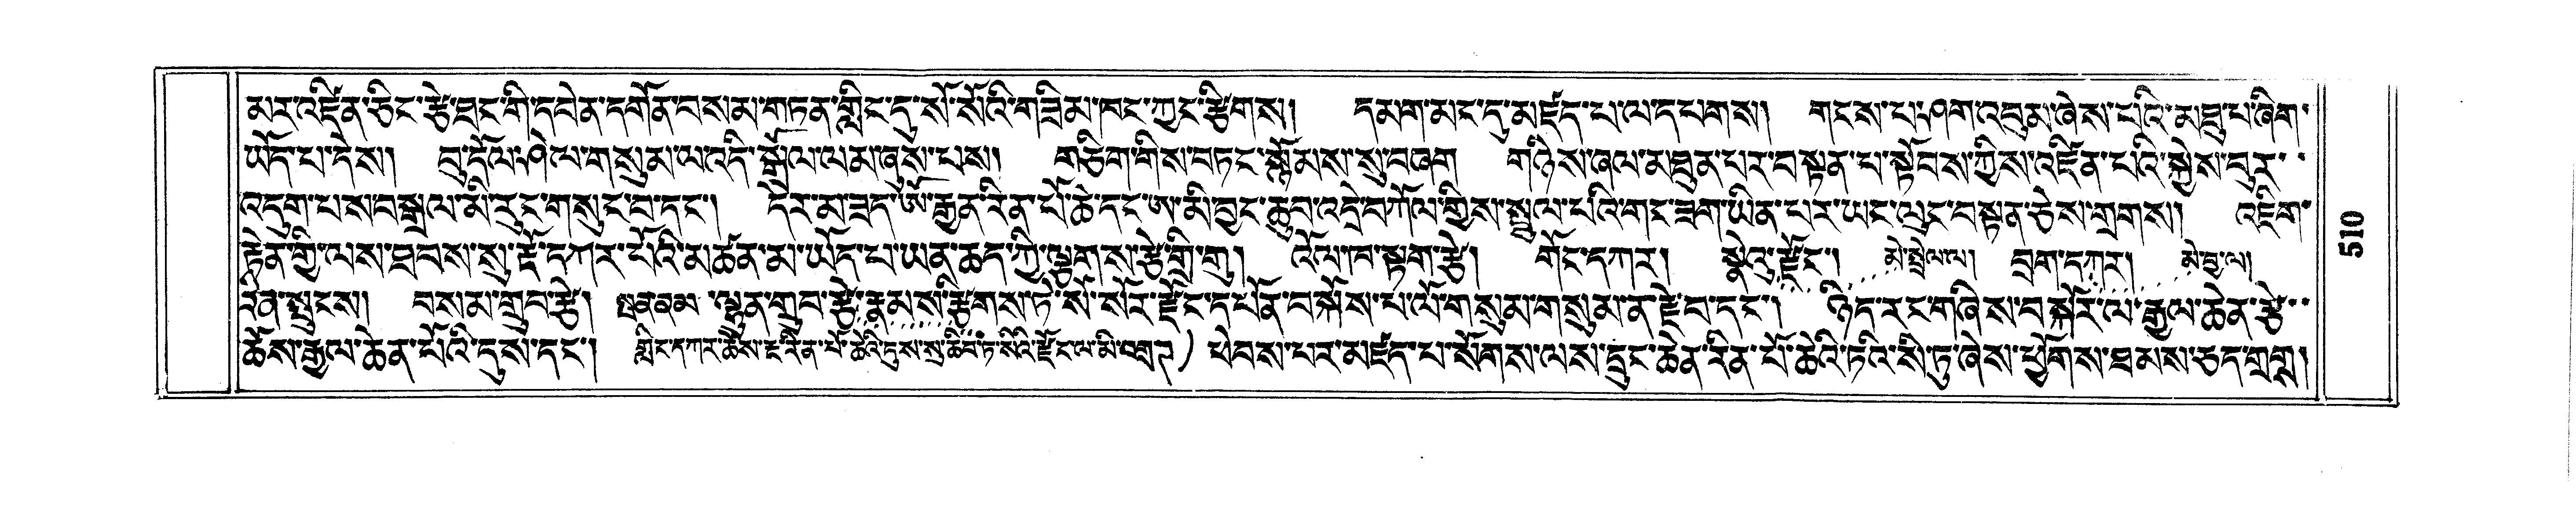མར་འཛིན་ཅིང་རྩེ་ཐང་གི་དབེན་དགོན་བསམ་གཏན་གླིང་དུ་སོ་སོའི་གཟིམ་ཁང་ཀྱང་རྩིགས། དམག་མང་དུ་མཛད་པ་ལ་དཔགས། གངས་པ་ཤག་འབུམ་ཞེས་པའི་མཐུ་པ་ཞིག་
ཡོད་པ་དེས། བུ་དོལ་ཤེལ་གསུམ་ལ་འདི་སྒྲོལ་ལམ་ཞུས་པས། གཅིག་གིས་བཏང་སྙོམས་སུ་བཞག་གཉིས་ཞལ་མཐུན་པར་བསྟན་པ་སྟོབས་ཀྱིས་འཛིན་པའི་སྐྱེས་བུར་
འདུག་པས་བསྒྲལ་མི་རུང་གསུང་བ་དང་། དེར་མ་ཟད་ཨོ་རྒྱན་རིན་པོ་ཆེ་དང་ཨ་མི་བྱང་ཆུབ་འདྲེ་བཀོལ་གྱིས་སྤྲུལ་པའི་གང་ཟག་ཡིན་པར་ཡང་ལུང་བསྟན་ཅེས་གྲགས། འཇིག་
རྟེན་གྱི་ལས་ཐབས་སུ་རྡོ་དཀར་པོའི་མཚན་མ་ཡོད་པ་ཡན་ཆད་ཀྱི་ལྕགས་རྩེ་གྲི་གུ། འོལ་ཁ་སྟག་རྩེ། གོང་དཀར། སྣེའུ་རྫོང་། མེ་སྤྲེལ་ལ།  བྲག་དཀར། མེ་བྱ་ལ།
རིན་སྤུངས། བསམ་གྲུབ་རྩེ། སྤན་ནམ་ལྷུན་གྲུབ་རྩེ་རྣམས་རྩིགས་ཏེ་སོ་སོར་རྫོང་དཔོན་བསྐོས་པ་ལོ་གསུམ་གསུམ་ན་རྗེ་བ་དང་། ཉིད་རང་གཞིས་བསྐོར་ལ་རྒྱལ་ཆེན་རྩེ་
ཆོས་རྒྱལ་ཆེན་པོའི་དུས་དང་། གླིང་དཀར་ཚེས་རྔ་རིན་པོ་ཆེའི་དུས་སུ་ཆིབ་ཏ་སིའི་རྫོང་ལ་མི་བགྲཌ་ཕེབས་པར་མཛད་པ་སོགས་ལས་དྲུང་ཆེན་རིན་པོ་ཆེའི་ཏའི་སི་ཏུ་ཞེས་ཕྱོགས་ཐམས་ཅད་གྲགས།